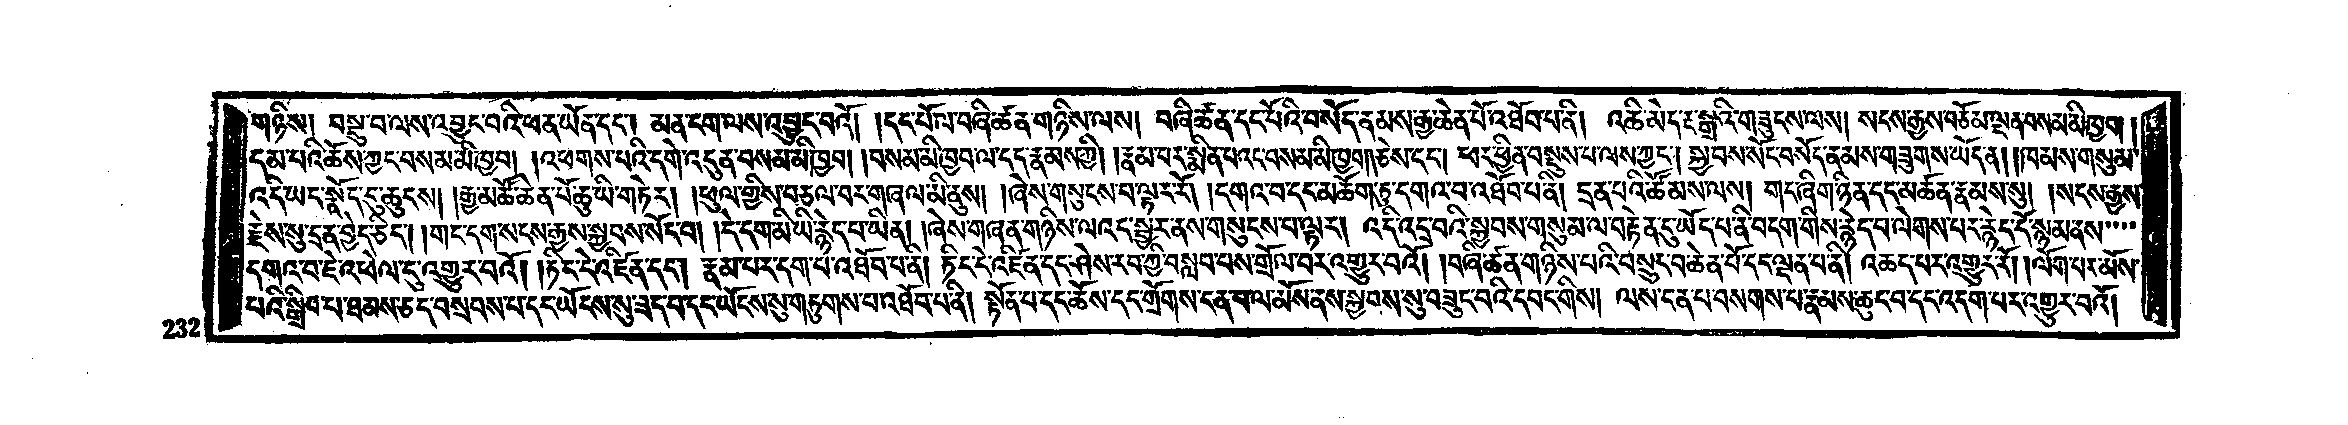གཉིས། བསྡུ་བ་ལས་འབྱུང་བའི་ཕན་ཡོན་དང་། མན་ངག་ལས་འབྱུང་བའོ། །དང་པོ་ལ་བཞི་ཚན་གཉིས་ལས། བཞི་ཚན་དང་པོའི་བསོད་ནམས་རྒྱ་ཆེན་པོ་འཐོབ་པ་ནི། འཆི་མེད་རྔ་སྒྲའི་གཟུངས་ལས། སངས་རྒྱས་བཅོམ་ལྡན་བསམ་མི་ཁྱབ། །
དམ་པའི་ཆོས་ཀྱང་བསམ་མི་ཁྱབ། །འཕགས་པའི་དགེ་འདུན་བསམ་མི་ཁྱབ། །བསམ་མི་ཁྱབ་ལ་དད་རྣམས་ཀྱི། །རྣམ་པར་སྨིན་པའང་བསམ་མི་ཁྱབ། །ཅེས་དང་། ཕར་ཕྱིན་བསྡུས་པ་ལས་ཀྱང་། སྐྱབས་སོང་བསོད་ནམས་གཟུགས་ཡོད་ན། །ཁམས་གསུམ་
འདི་ཡང་སྣོད་དུ་ཆུངས། །རྒྱ་མཚོ་ཆེན་པོ་ཆུ་ཡི་གཏེར། །ཕུལ་གྱིས་བཅལ་བར་གཞལ་མི་ནུས། །ཞེས་གསུངས་པ་ལྟར་རོ། །དགའ་བ་དང་མཆོག་ཏུ་དགའ་བ་འཐོབ་པ་ནི། དྲན་པའི་ཚོམས་ལས། གང་ཞིག་ཉིན་དང་མཚན་རྣམས་སུ། །སངས་རྒྱས་
རྗེས་སུ་དྲན་བྱེད་ཅིང་། །གང་དག་སངས་རྒྱས་སྐྱབས་སོང་བ། །དེ་དག་མི་ཡི་རྙེད་པ་ཡིན། །ཞེས་གཞན་གཉིས་ལའང་སྦྱར་ནས་གསུངས་པ་ལྟར། འདི་འདྲ་བའི་སྐྱབས་གསུམ་ལ་བརྟེན་དུ་ཡོད་པ་ནི་བདག་གིས་རྙེད་པ་ལེགས་པར་རྙེད་དོ་སྙམ་ནས་
དགའ་བ་ཇེ་འཕེལ་དུ་འགྱུར་བའོ། །ཏིང་ངེ་འཛིན་དང་། རྣམ་པར་དག་པ་འཐོབ་པ་ནི། ཏིང་ངེ་འཛིན་དང་ཤེས་རབ་ཀྱི་བསླབ་པས་གྲོལ་བར་འགྱུར་བའོ། །བཞི་ཚན་གཉིས་པའི་བསྲུང་བ་ཆེན་པོ་དང་ལྡན་པ་ནི། འཆད་པར་འགྱུར་རོ། །ལོག་པར་མོས་
པའི་སྒྲིབ་པ་ཐམས་ཅད་བསྲབས་པ་དང་ཡོངས་སུ་ཟད་པ་དང་ཡོངས་སུ་གཏུགས་པ་འཐོབ་པ་ནི། སྟོན་པ་དང་ཆོས་དང་གྲོགས་ངན་པ་ལ་མོས་ནས་སྐྱབས་སུ་བཟུང་བའི་དབང་གིས། ལས་ངན་པ་བསགས་པ་རྣམས་ཆུང་བ་དང་འདག་པར་འགྱུར་བའོ། །